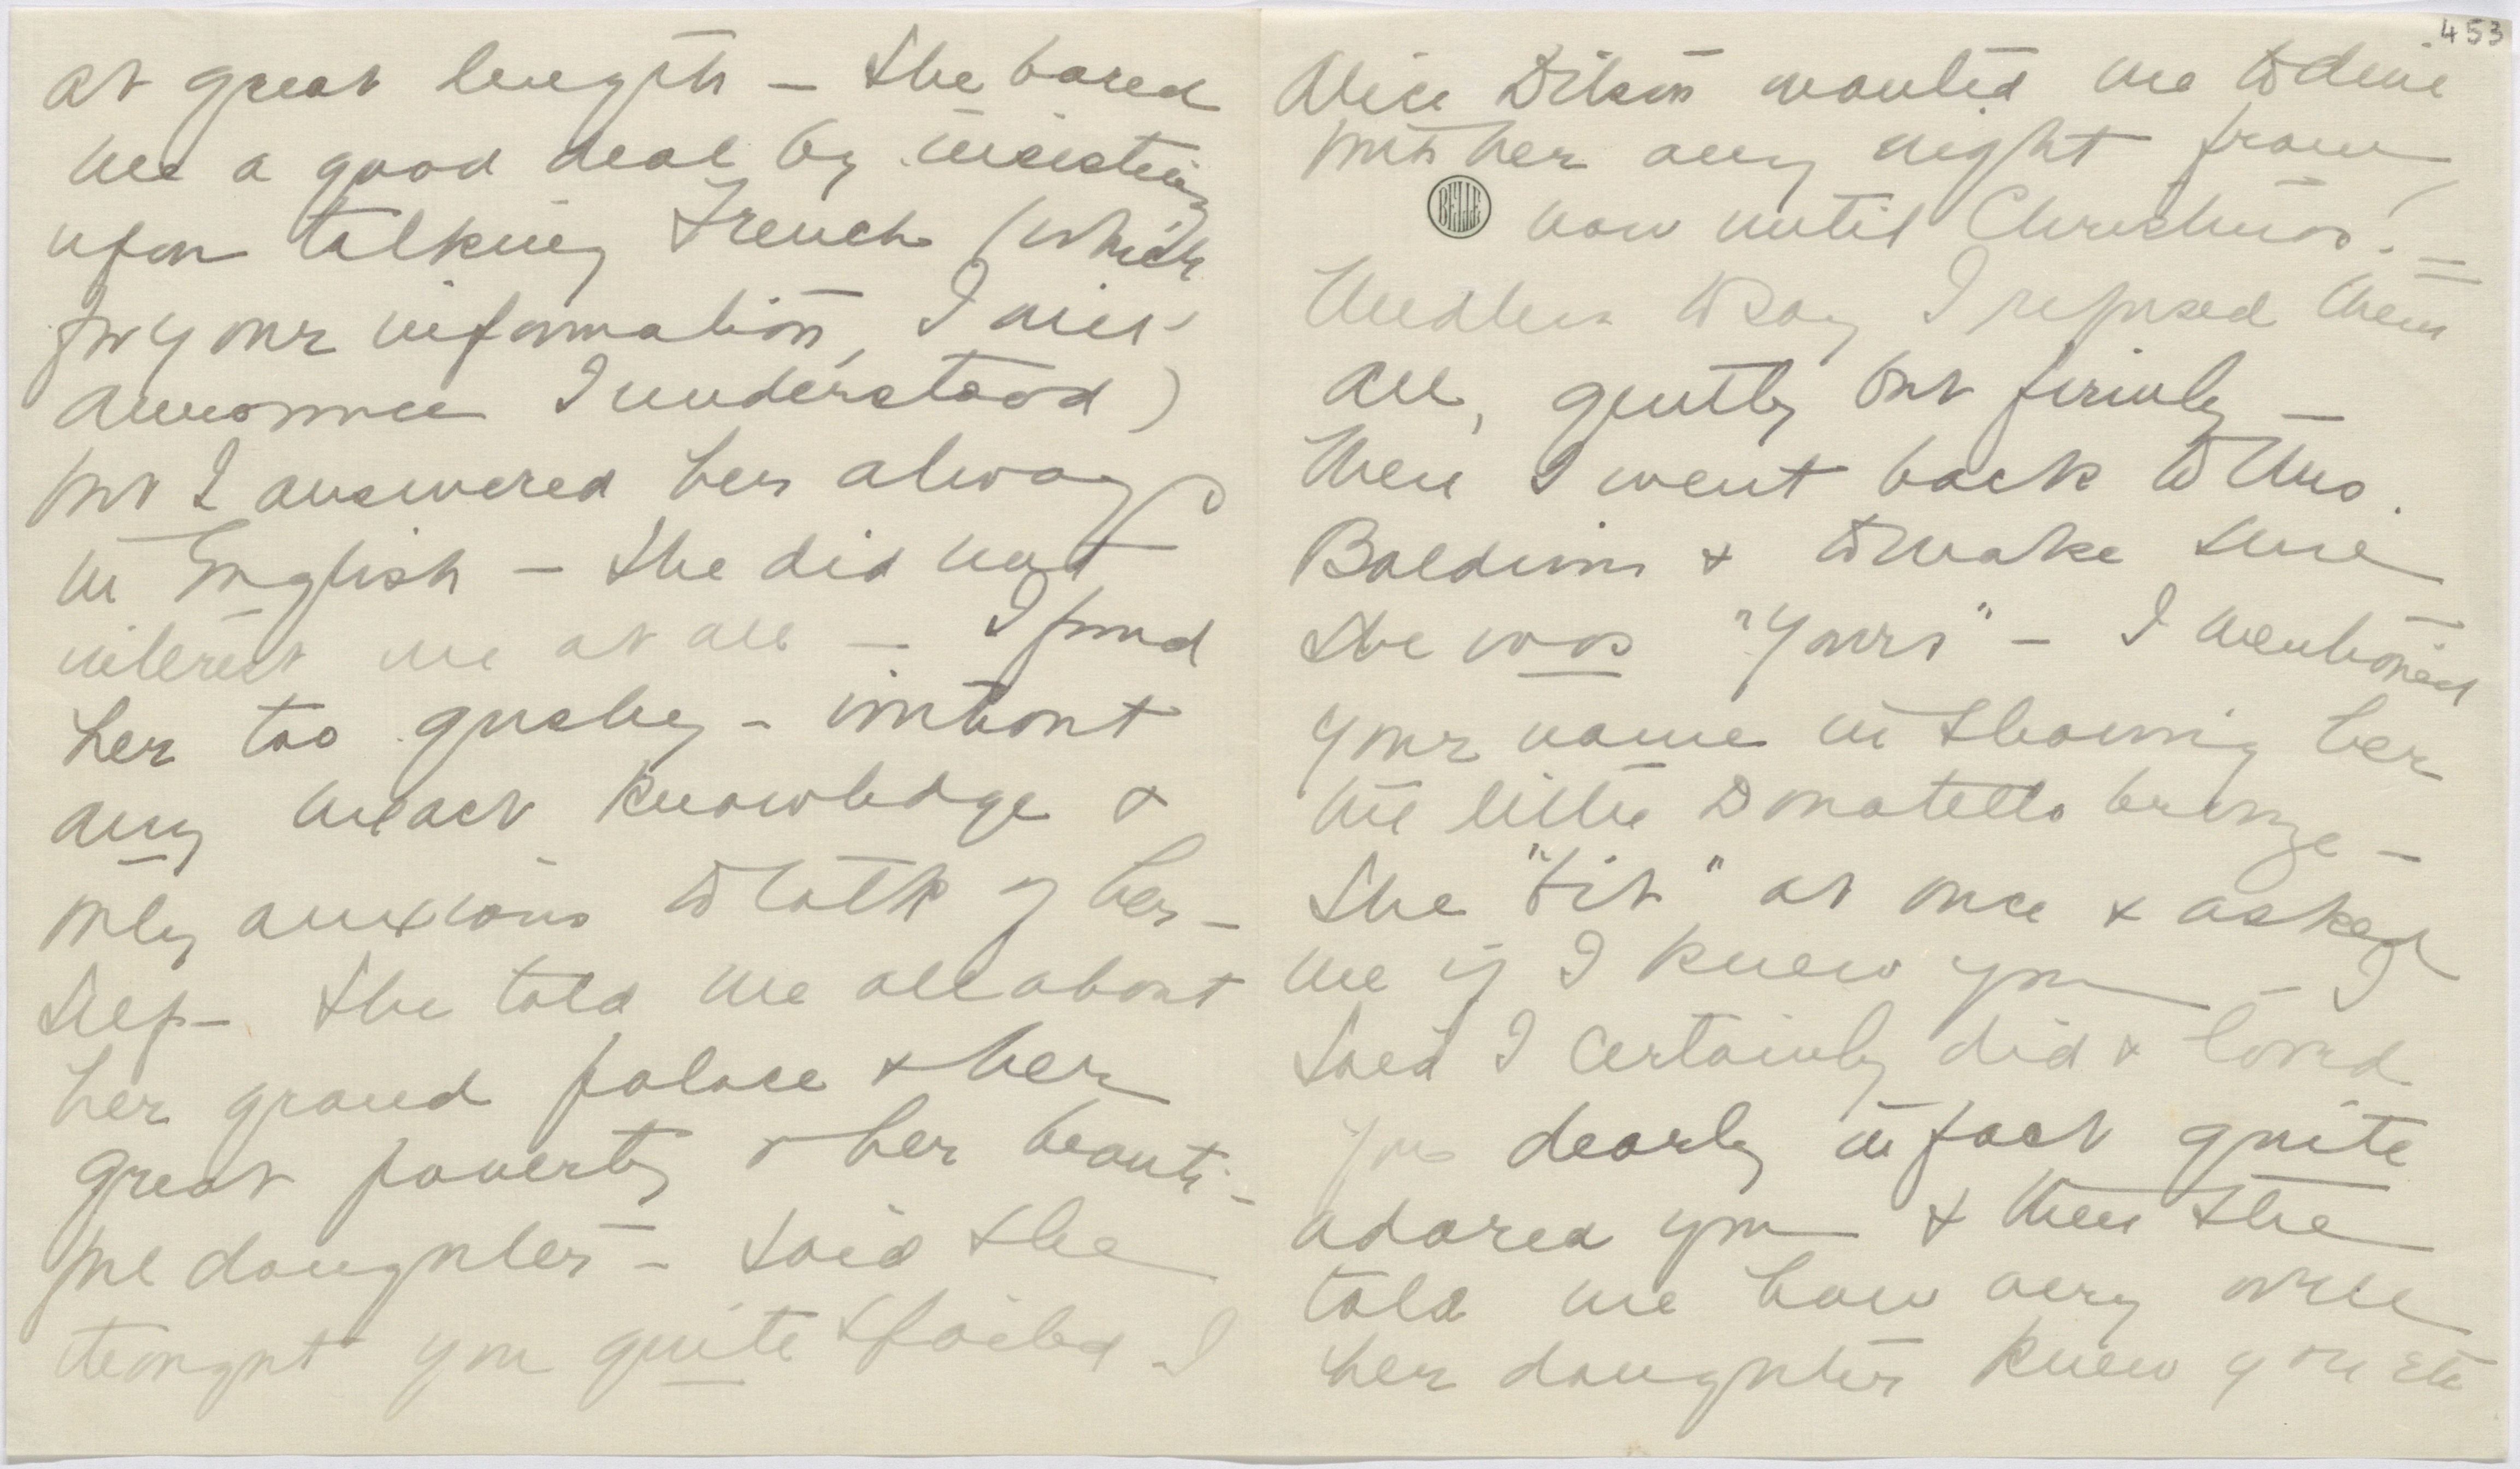Alice Ditson wanted me to dine with her any night from now until Christmas! – Needless to say I refused them all, gently but firmly – Then I went back to Mrs. Baldwin & to make sure she was “yours” – I mentioned your name in showing her the little Donatello bronze – She “bit” at once & asked me if I knew you – I said I certainly did & loved you dearly in fact quite adored you & then she told me how very well her daughter knew you etc
at great length – she bored me a good deal by insisting upon talking French (which for your information, I [will?] announce I understood) but I answered her always in English – she did not interest me at all – I found her too gushy – without any exact knowledge & only anxious to talk of herself – she told me all about her grand palace & her great poverty & her beautiful daughter – said she thought you quite spoiled I